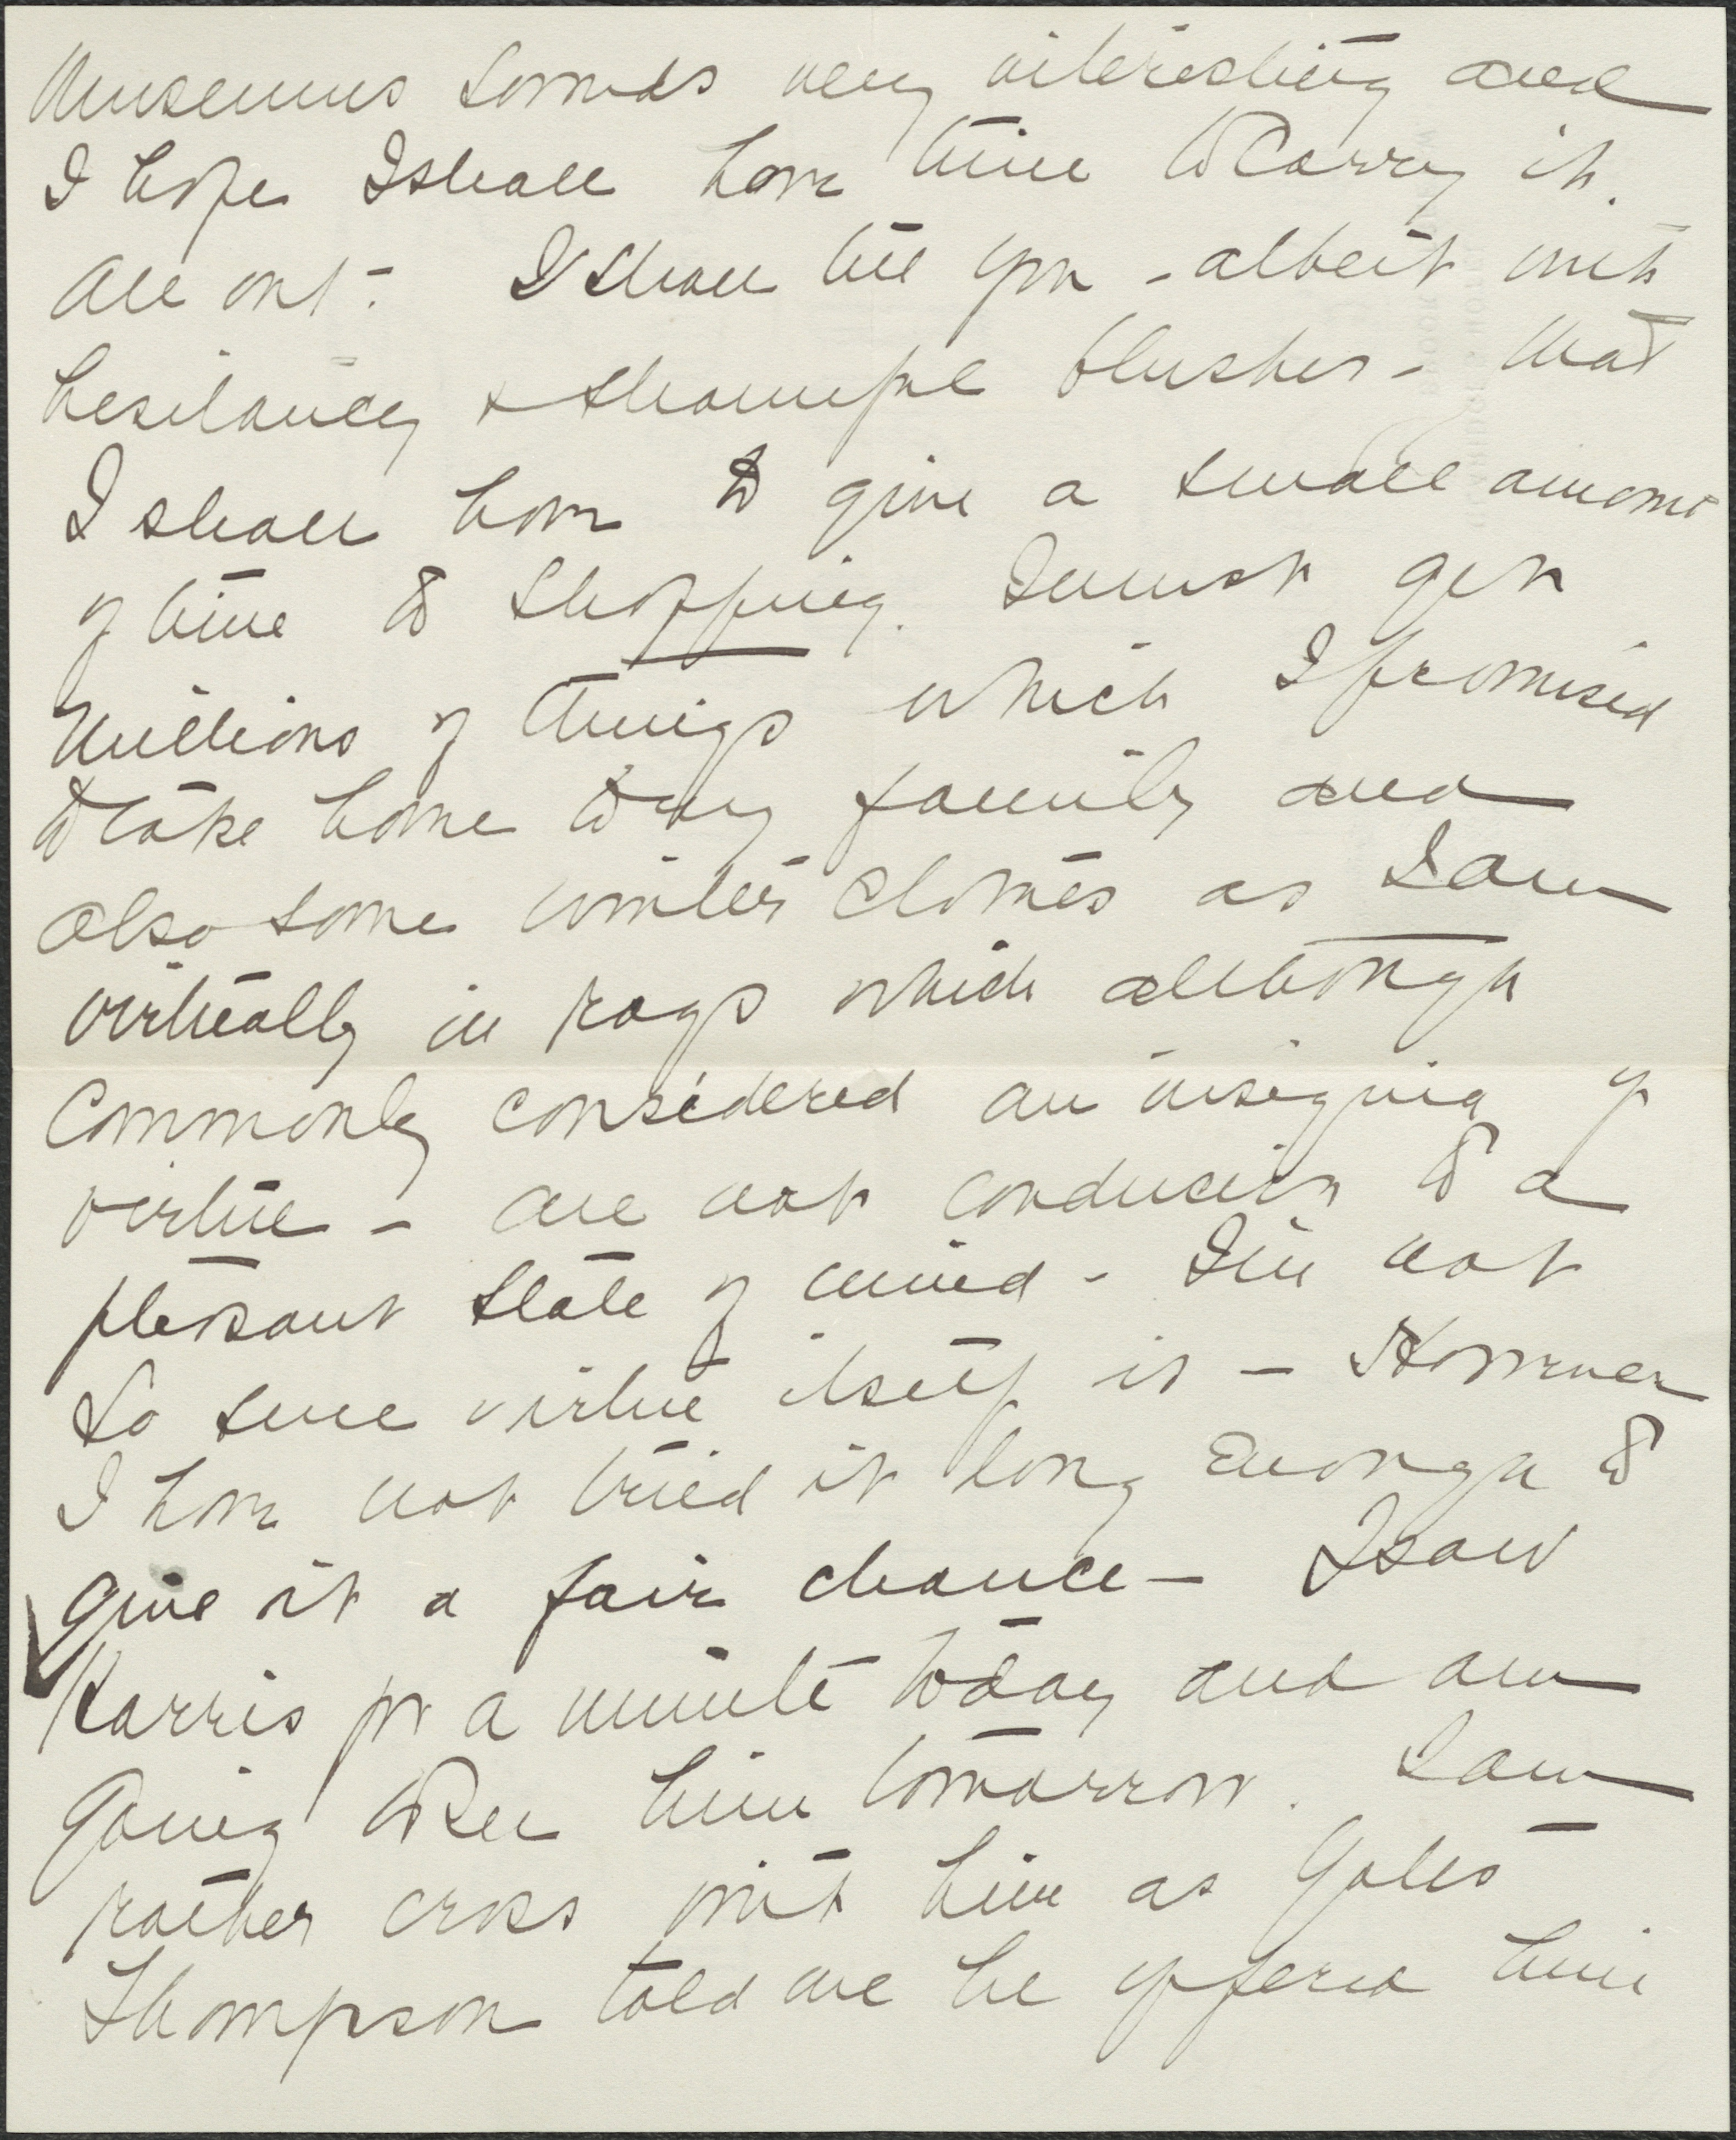Museums sounds very interesting and I hope I shall have the time to carry it all out. I shall tell you – albeit with hesitancy & shameful blushes – that I shall have to give a small amount of time to shopping. I must get millions of things which I promised to take home to my family and also some winter clothes as I am virtually in rags which although commonly considered an insignia of virtue – are not conducive to a pleasant state of mind – I’m not so sure virtue itself is – However I have not tried it long enough to give it a fair chance – I saw Harris for a minute today and am going to see him tomorrow. I am going to see him tomorrow. I am rather cross with him as Yates Thompson told me he offered him